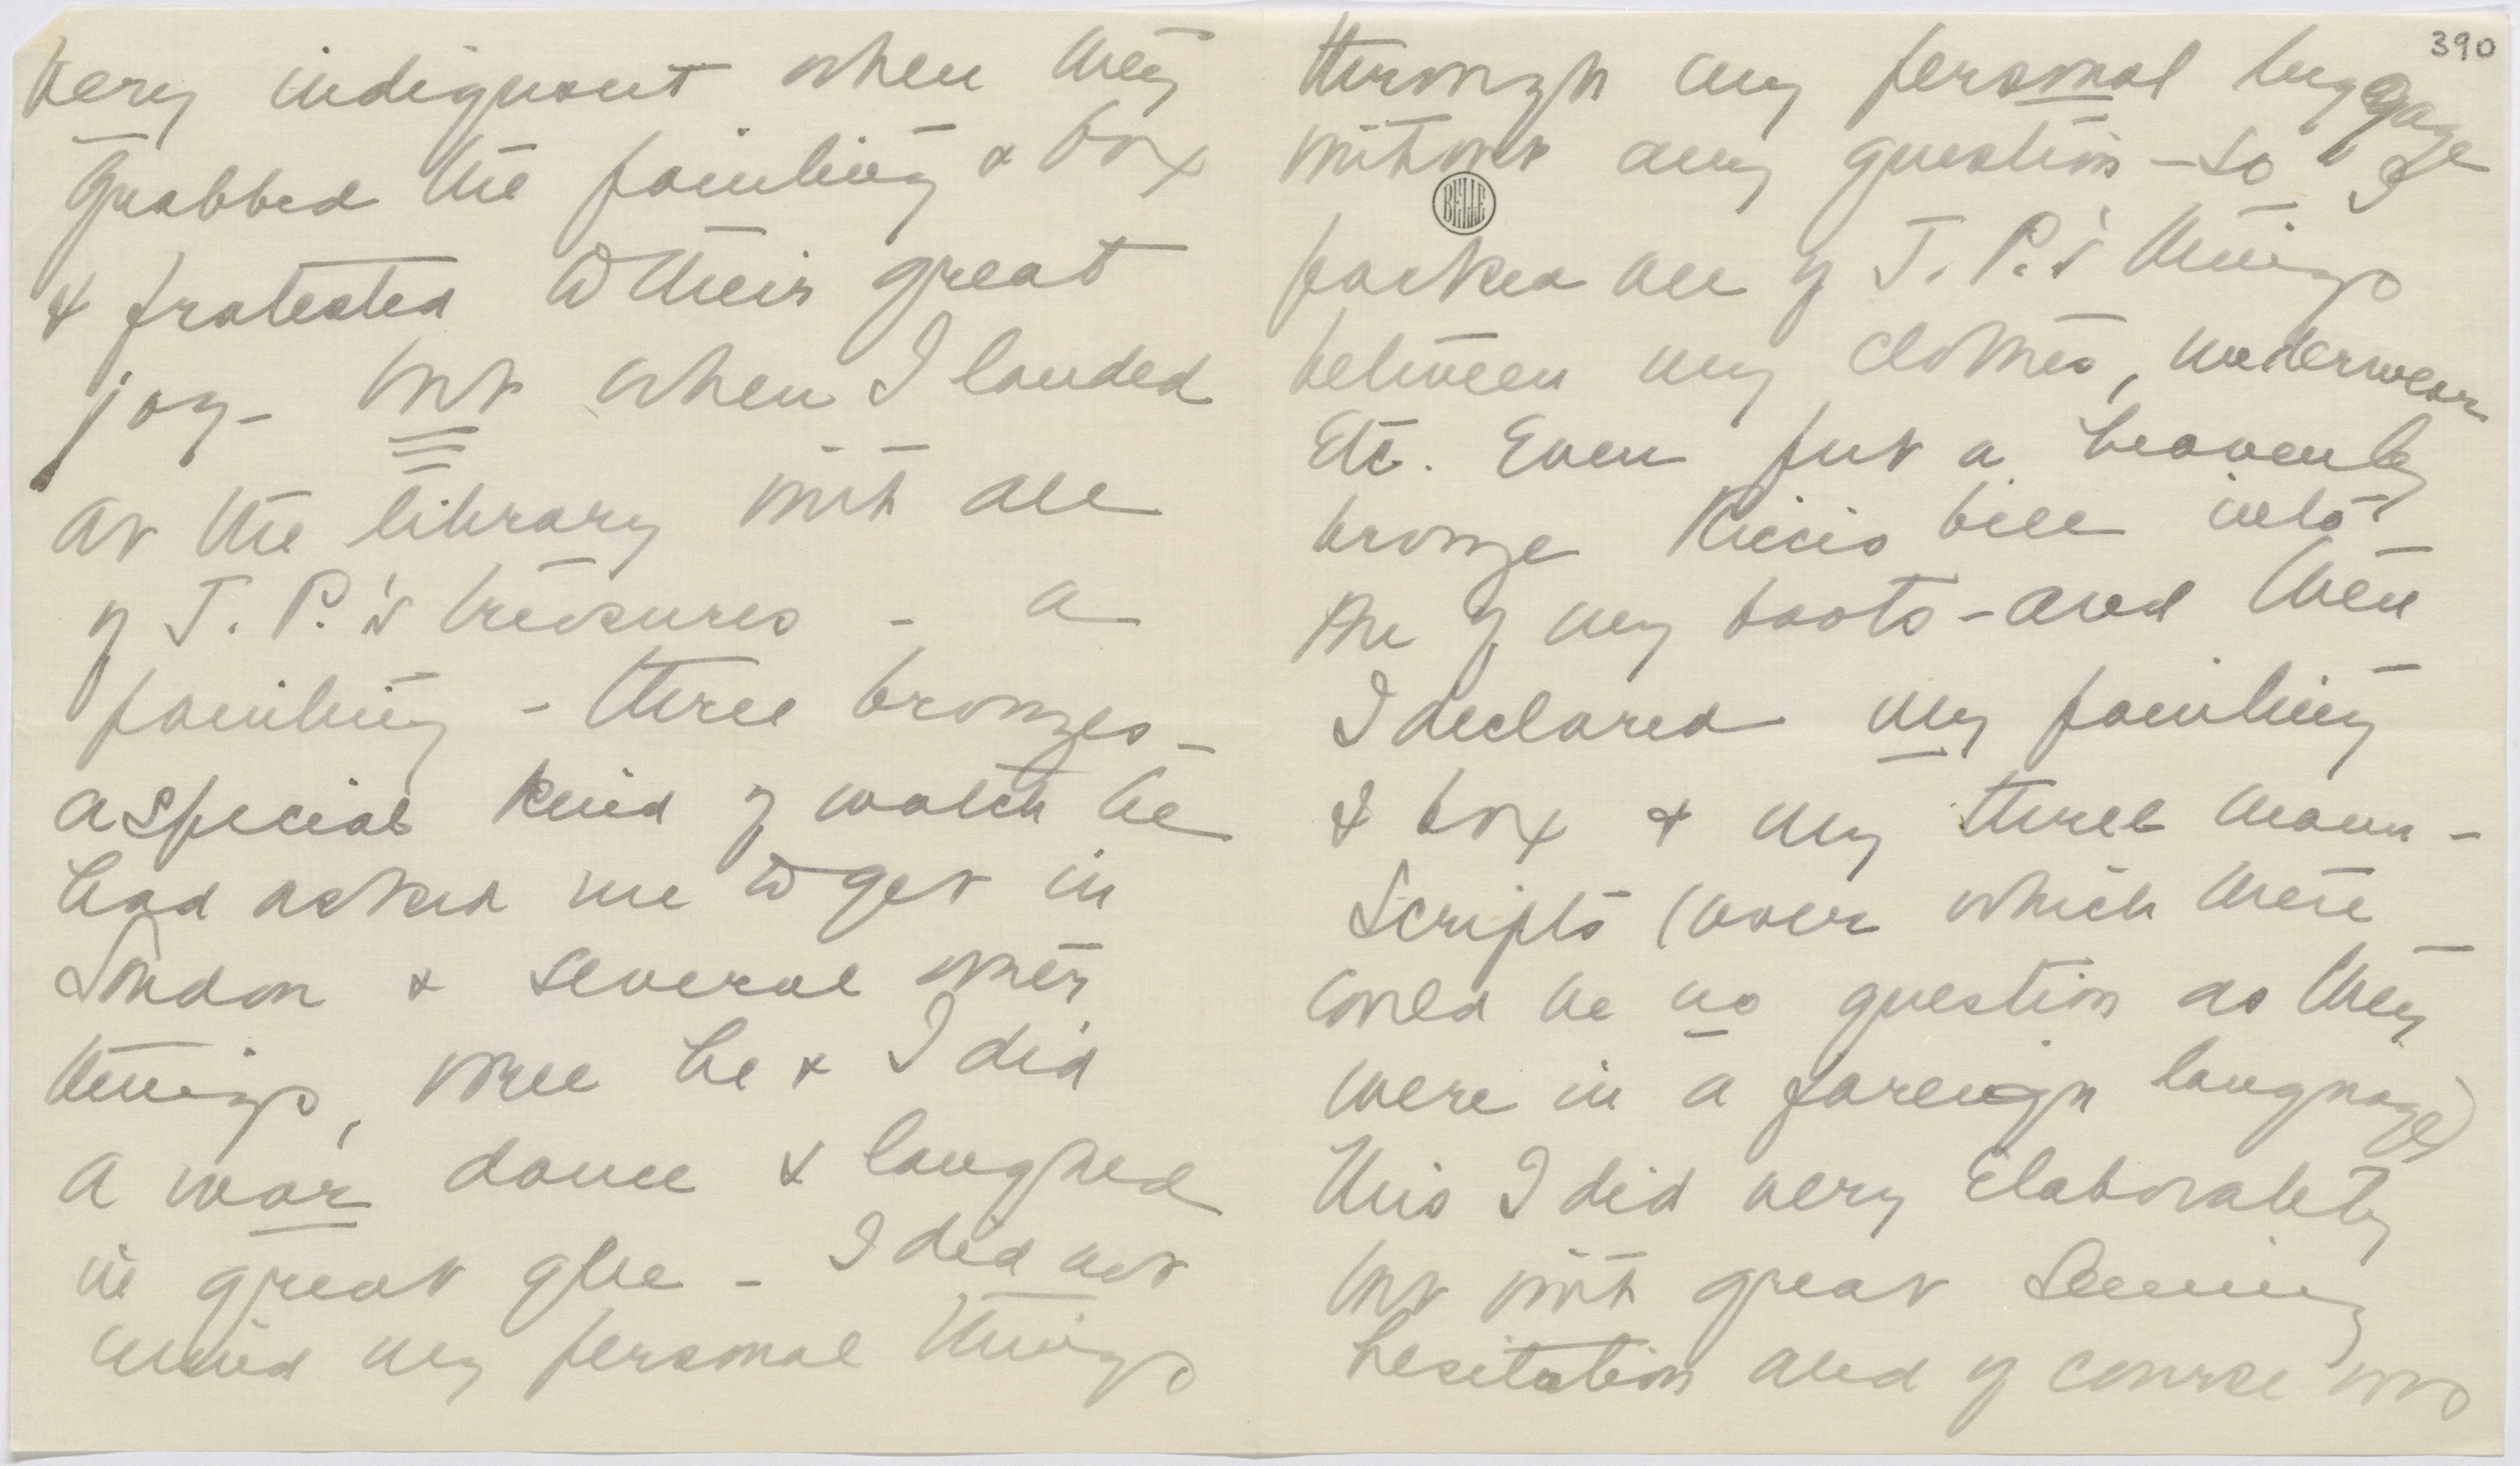through my personal luggage without any questions – so I packed all of J. P.’s things between my clothes, underwear etc. Even put a heavenly bronze Riccio bell into one of my boots – and then I declared my painting & box & my three manuscripts (over which there could be no question as they were in a foreign language) This I did very elaborately but with great seeming hesitation and of course was
very indignant when they grabbed the painting & box & protested to their great joy – [triple underlined: but] when I landed at the library with all of J. P.’s treasures – a painting – three bronzes – a special kind of watch he had asked me to get in London & several other things, well he & I did a war dance & laughed in great glee – I did not mind my personal things